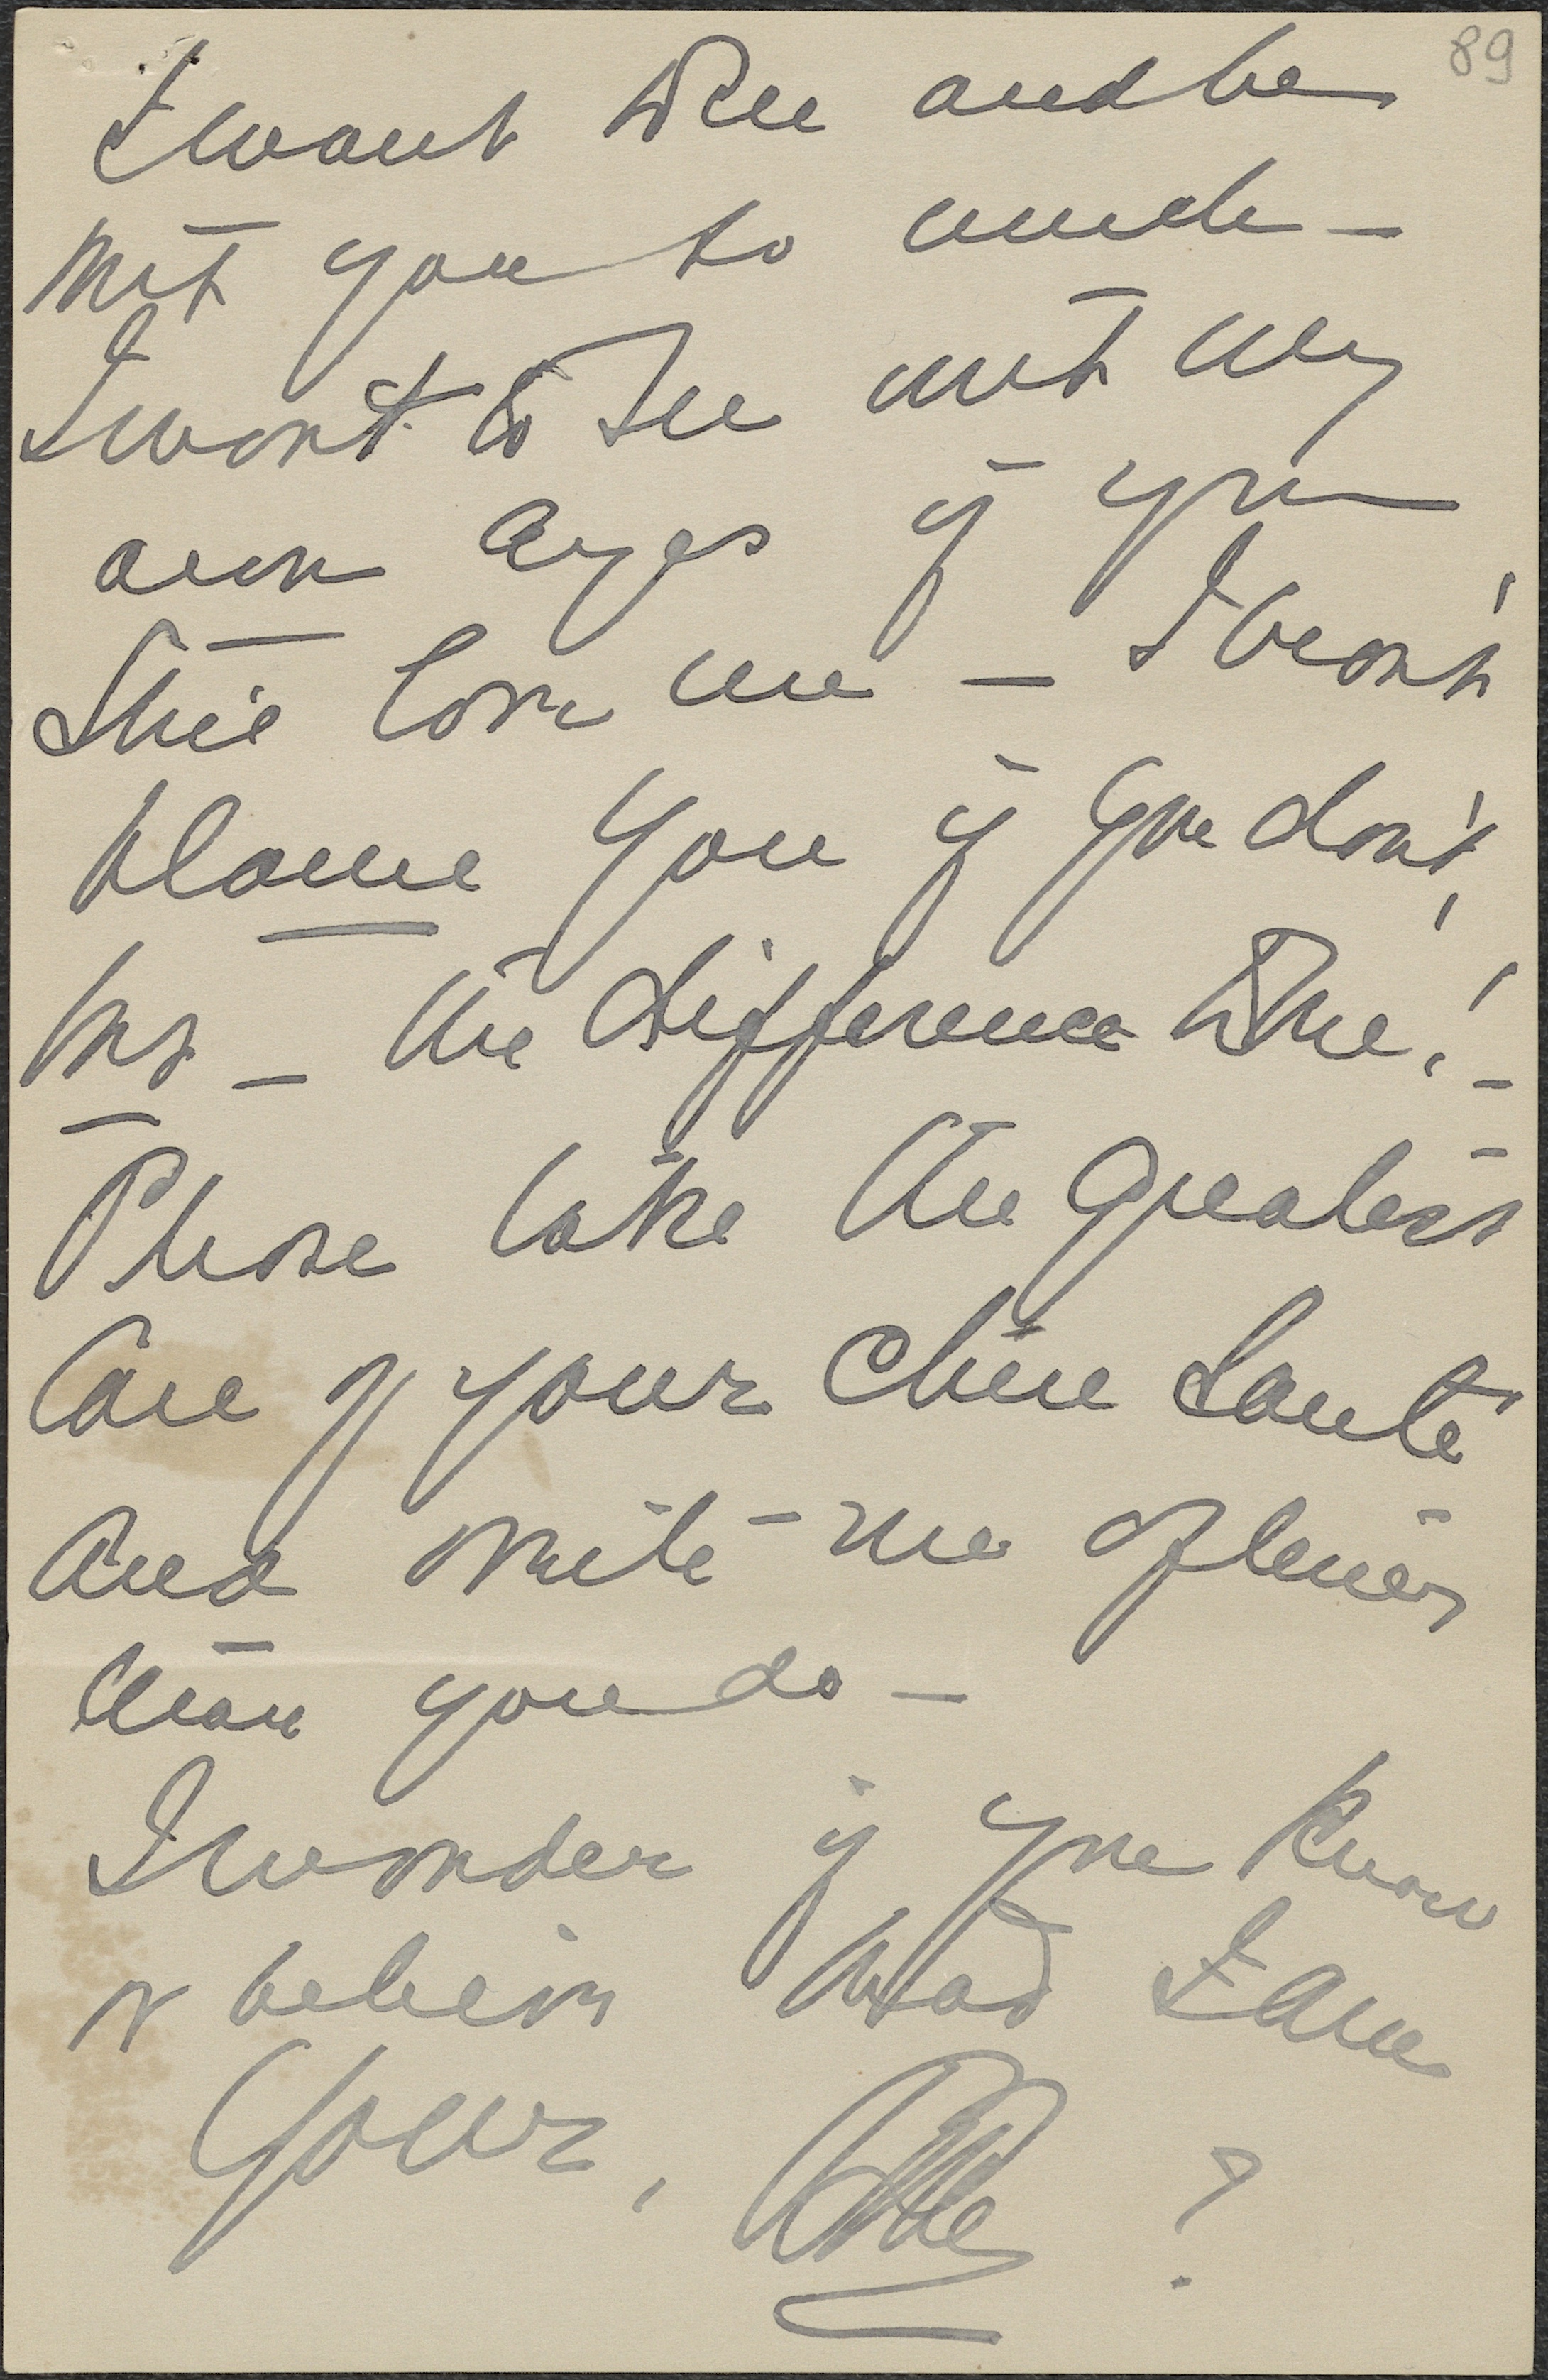I want to see and be with you so much – I want to see with my own eyes if you still love me – I won’t blame you if you don’t, but – the difference to me! – Please take the greatest care of you chère santé and write me oftener than you do –
I wonder if you know or believe that I am Your, Belle ?